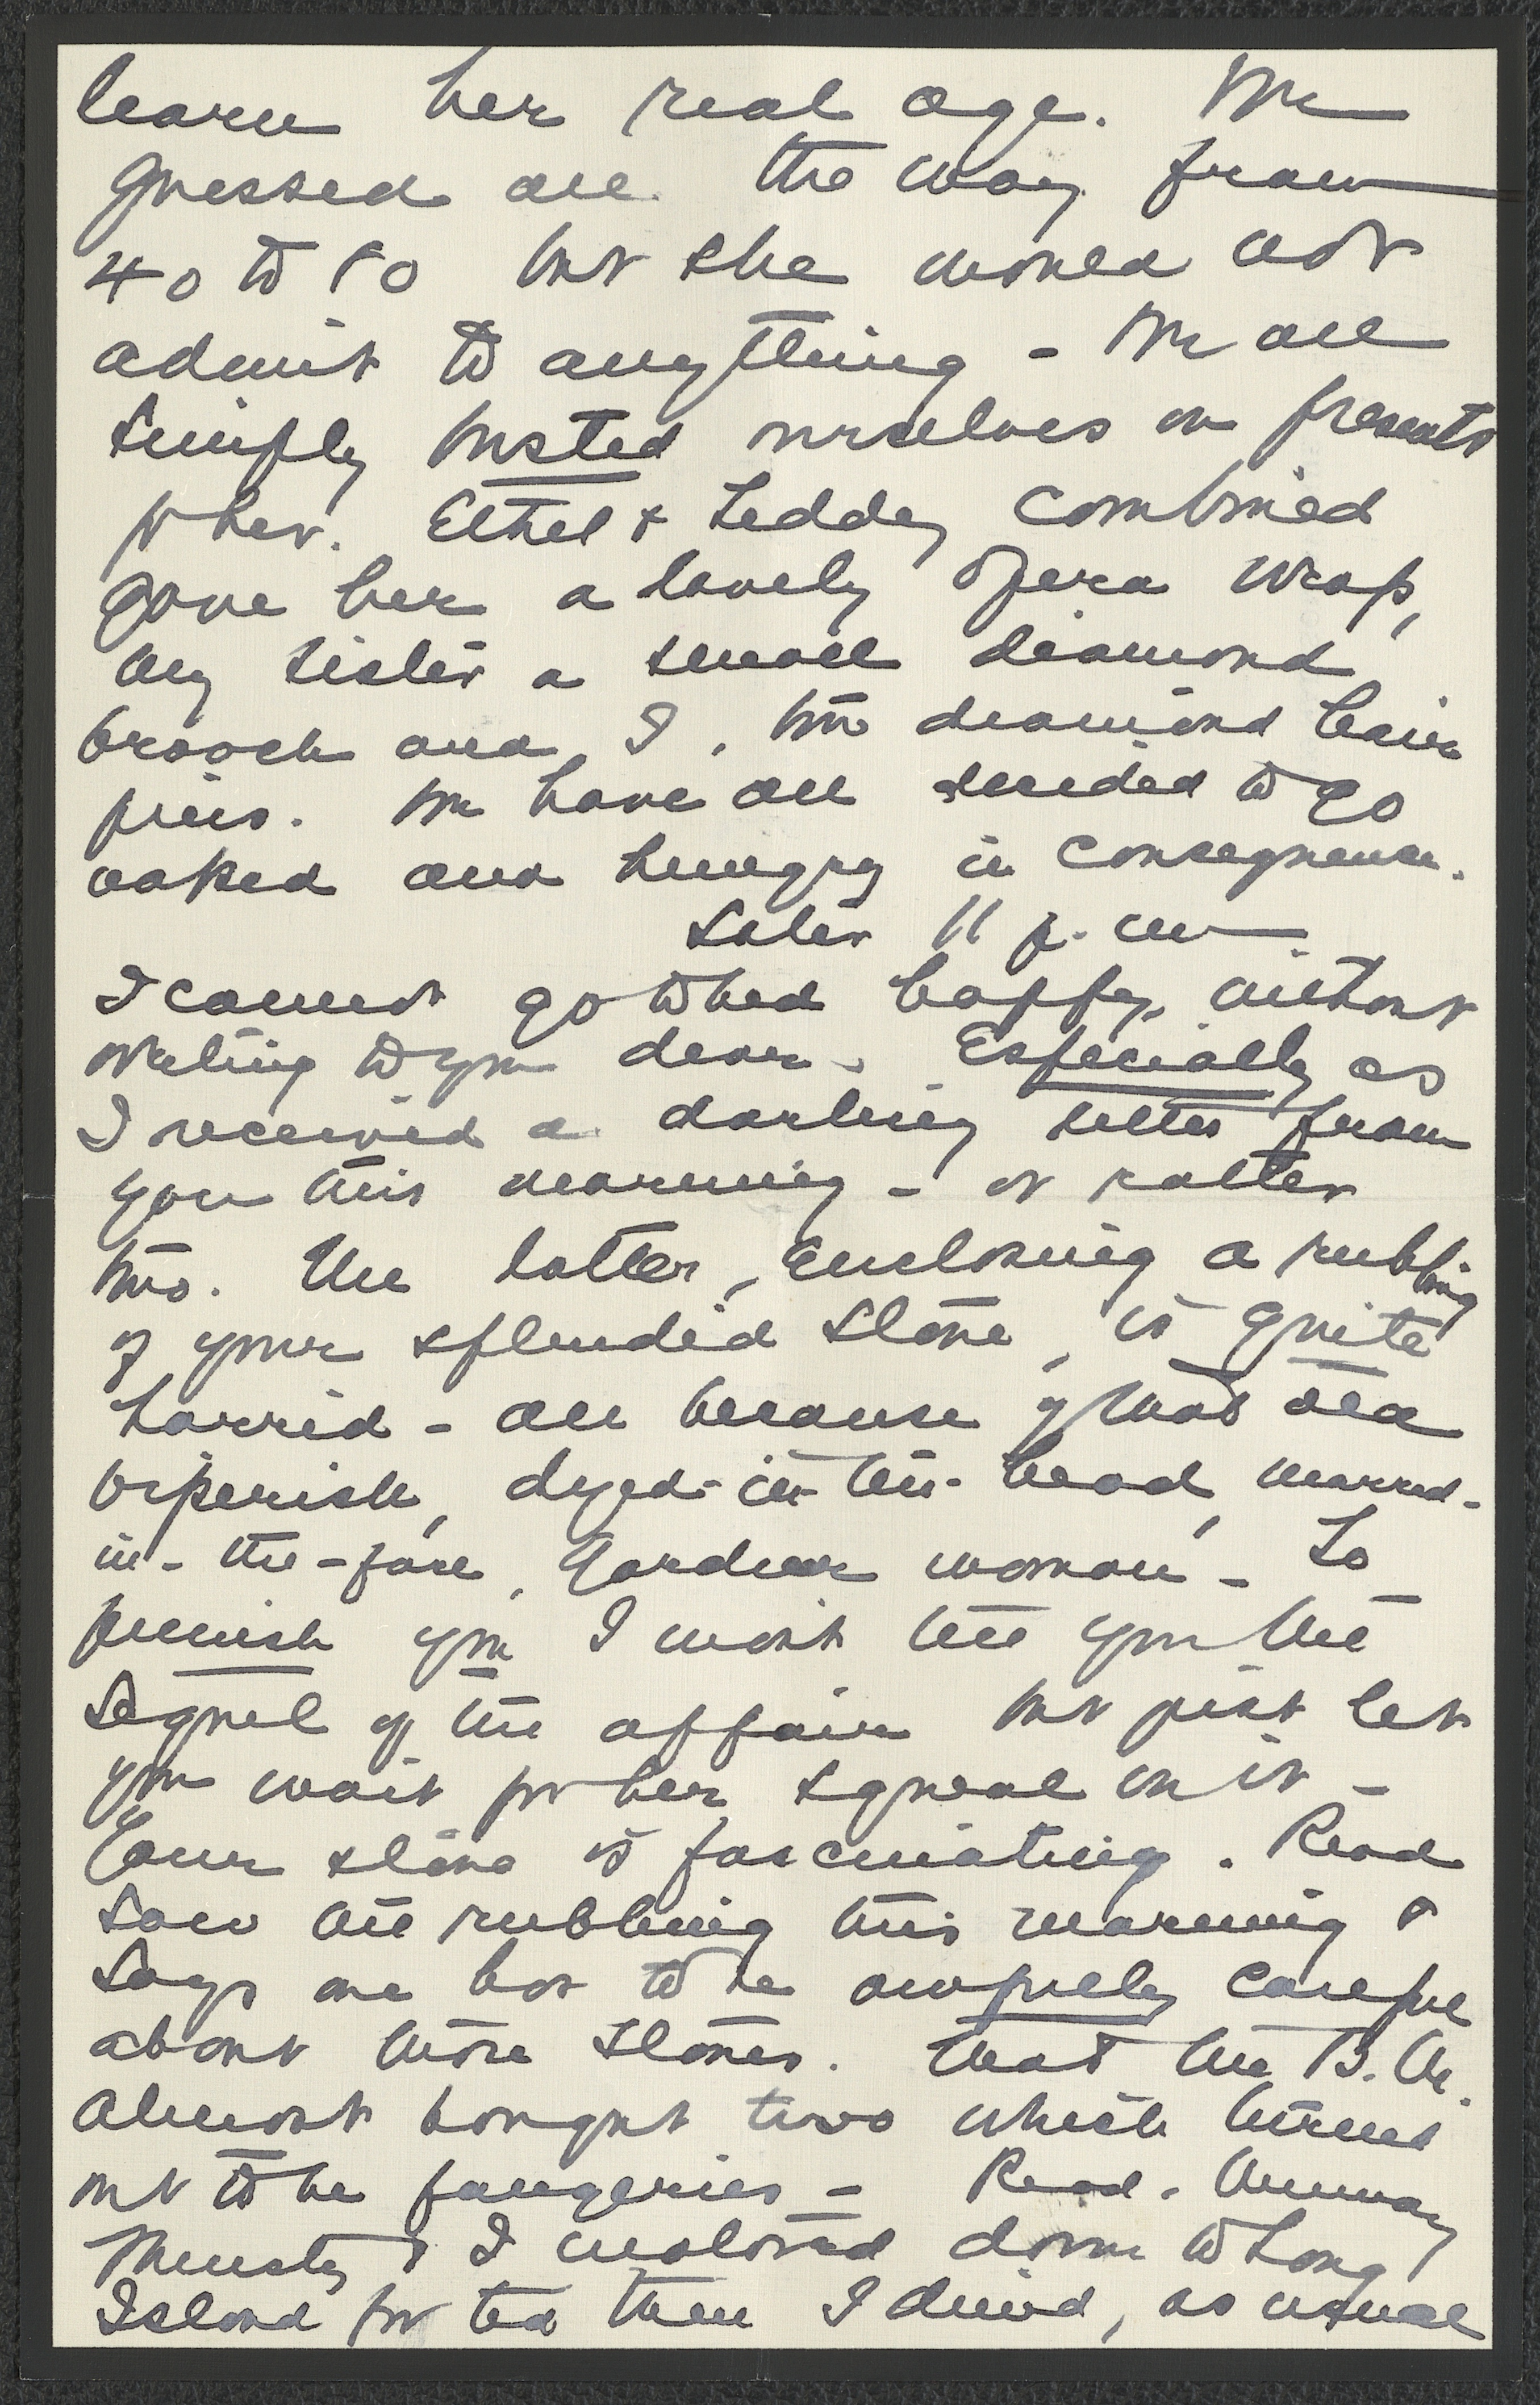learn her real age. We guessed all the way from 40 to 80 but she would not admit to anything – we all simply busted ourselves on presents to her. Ethel & Teddy combined gave her a lovely opera wrap, my sister a small diamond brooch and I, the diamond hair piece. We have all decided to go naked and hungry in consequence.
Later 11 p.m –
I cannot go to bed happy, without writing to you dear. Especially as I received a darling letter from you this morning – or rather two. The latter, enclosing a rubbing of your splendid stone, is quite horrid – all because of that sea viperish, dyed-in-the-head marred-in-the-face, garden woman – To punish you I won't tell you the sequel of the affair but just let you wait for her squeal in it – Your stone is fascinating. Read saw the rubbing this morning & says one has to be awfully careful about those stones. That the B.M. almost bought two which turned out to be forgeries – Read, Murray Thursty & I motored down to Long Island for tea then I dined, as usual